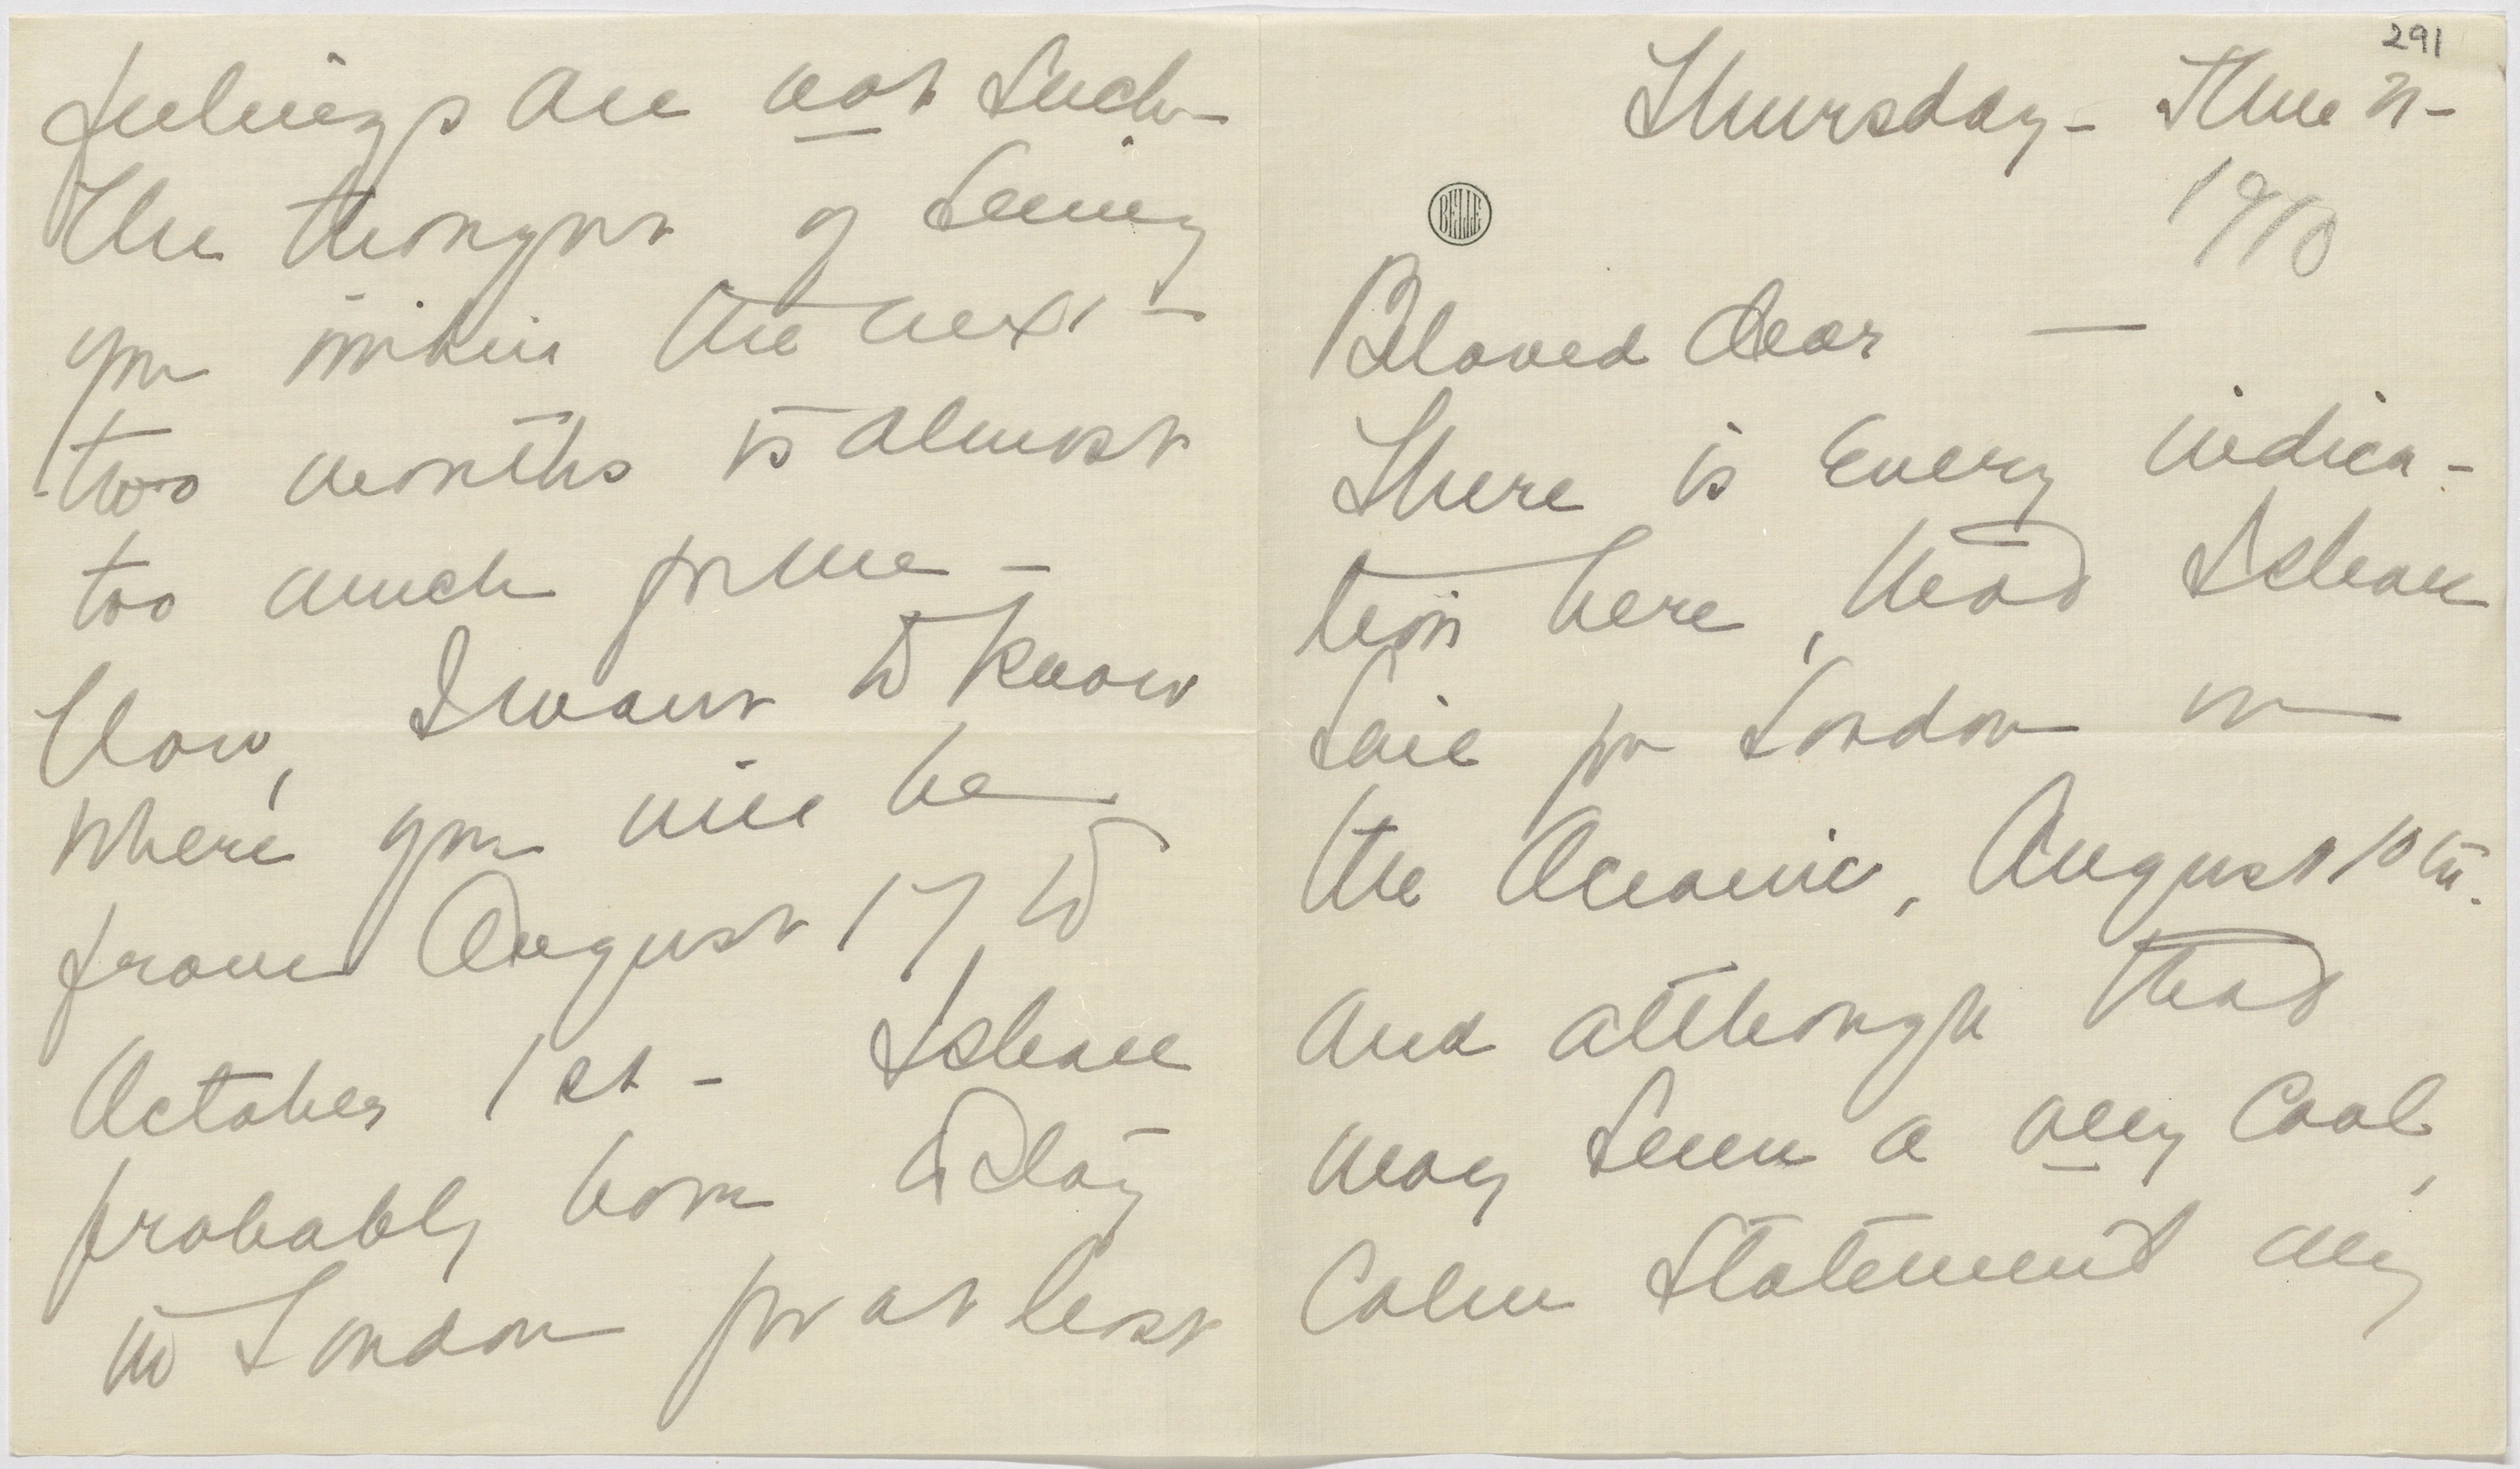Thursday – June 23 –
Beloved dear –
There is every indication here that I shall sail for London on the Oceanic, August 10th and although that may seem a very cool, calm statement my
feelings are not such – the thought of seeing you within the next two months is almost too much for me –
Now, I want to know where you will be from August 17 to October 1st – I shall probably have to stay in London for at least